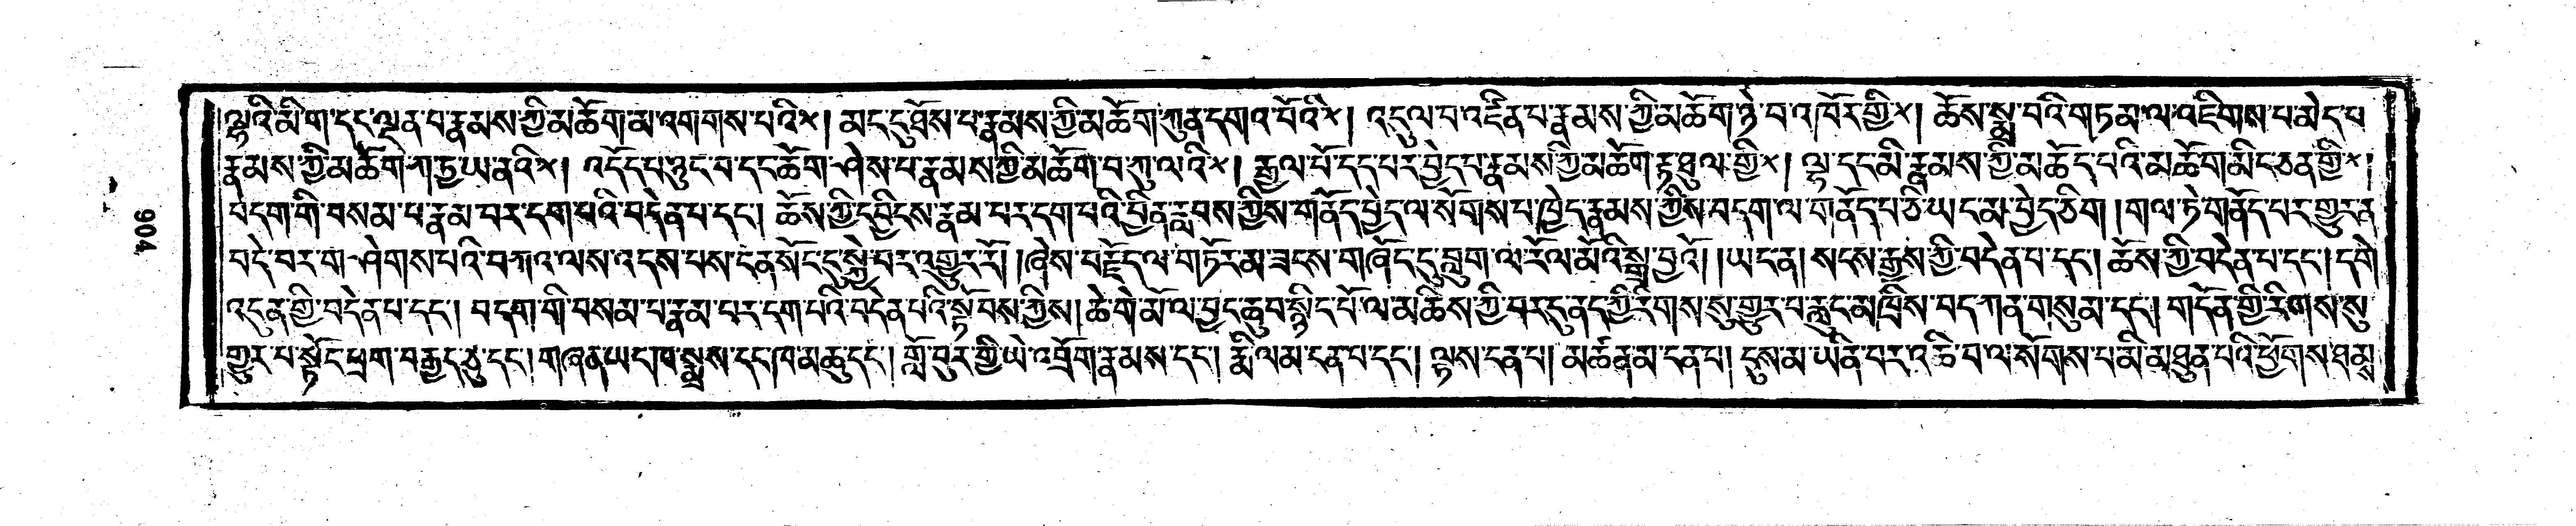ལྷའི་མིག་དང་ལྡན་པ་རྣམས་ཀྱི་མཆོག་མ་འགགས་པའི་྾། མང་དུ་ཐོས་པ་རྣམས་ཀྱི་མཆོག་ཀུན་དགའ་བོའི་྾། འདུལ་བ་འཛིན་པ་རྣམས་ཀྱི་མཆོག་ཉེ་བ་འཁོར་གྱི་྾། ཆོས་སྨྲ་བའི་གཏམ་ལ་འཇིགས་པ་མེད་པ་
རྣམས་ཀྱི་མཆོག་ཀ་ཏྱ་ཡ་ནའི་྾། འདོད་པ་ཉུང་བ་དང་ཆོག་ཤེས་པ་རྣམས་ཀྱི་མཆོག་བ་ཀུ་ལའི་྾། རྒྱལ་པོ་དད་པར་བྱེད་པ་རྣམས་ཀྱི་མཆོག་རྟ་ཐུལ་གྱི་྾། ལྷ་དང་མི་རྣམས་ཀྱི་མཆོད་པའི་མཆོག་མིང་ཅན་གྱི་྾།
བདག་གི་བསམ་པ་རྣམ་པར་དག་པའི་བདེན་པ་དང་། ཆོས་ཀྱི་དབྱིངས་རྣམ་པར་དག་པའི་བྱིན་རླབས་ཀྱིས་གནོད་བྱེད་ལ་སོགས་པ་ཁྱེད་རྣམས་ཀྱིས་བདག་ལ་གནོད་པ་ཅི་ཡང་མ་བྱེད་ཅིག །གལ་ཏེ་གནོད་པར་གྱུར་ན་
བདེ་བར་གཤེགས་པའི་བཀའ་ལས་འདས་པས་ངན་སོང་དུ་སྐྱེ་བར་འགྱུར་རོ། །ཞེས་བརྗོད་ལ་གཏོར་མ་ཟངས་གཞོང་དུ་བླུག་ལ་རོལ་མོའི་སྒྲ་བྱའོ། །ཡང་ན། སངས་རྒྱས་ཀྱི་བདེན་པ་དང་། ཆོས་ཀྱི་བདེན་པ་དང་། དགེ་
འདུན་གྱི་བདེན་པ་དང་། བདག་གི་བསམ་པ་རྣམ་པར་དག་པའི་བདེན་པའི་སྟོབས་ཀྱིས། ཆེ་གེ་མོ་ལ་བྱང་ཆུབ་སྙིང་པོ་ལ་མཆིས་ཀྱི་བར་དུ་ནད་ཀྱི་རིགས་སུ་གྱུར་པ་རླུང་མཁྲིས་བད་ཀན་གསུམ་དང་། གདོན་གྱི་རིགས་སུ་
གྱུར་པ་སྟོང་ཕྲག་བརྒྱད་ཅུ་དང་། གཞན་ཡང་ཁ་སྨས་དང་ཁ་མཆུ་དང་། གློ་བུར་གྱི་ཡེ་འབྲོག་རྣམས་དང་། རྨི་ལམ་ངན་པ་དང་། ལྟས་ངན་པ། མཚན་མ་ངན་པ། དུས་མ་ཡིན་པར་འཆི་བ་ལ་སོགས་པ་མི་མཐུན་པའི་ཕྱོགས་ཐམས་